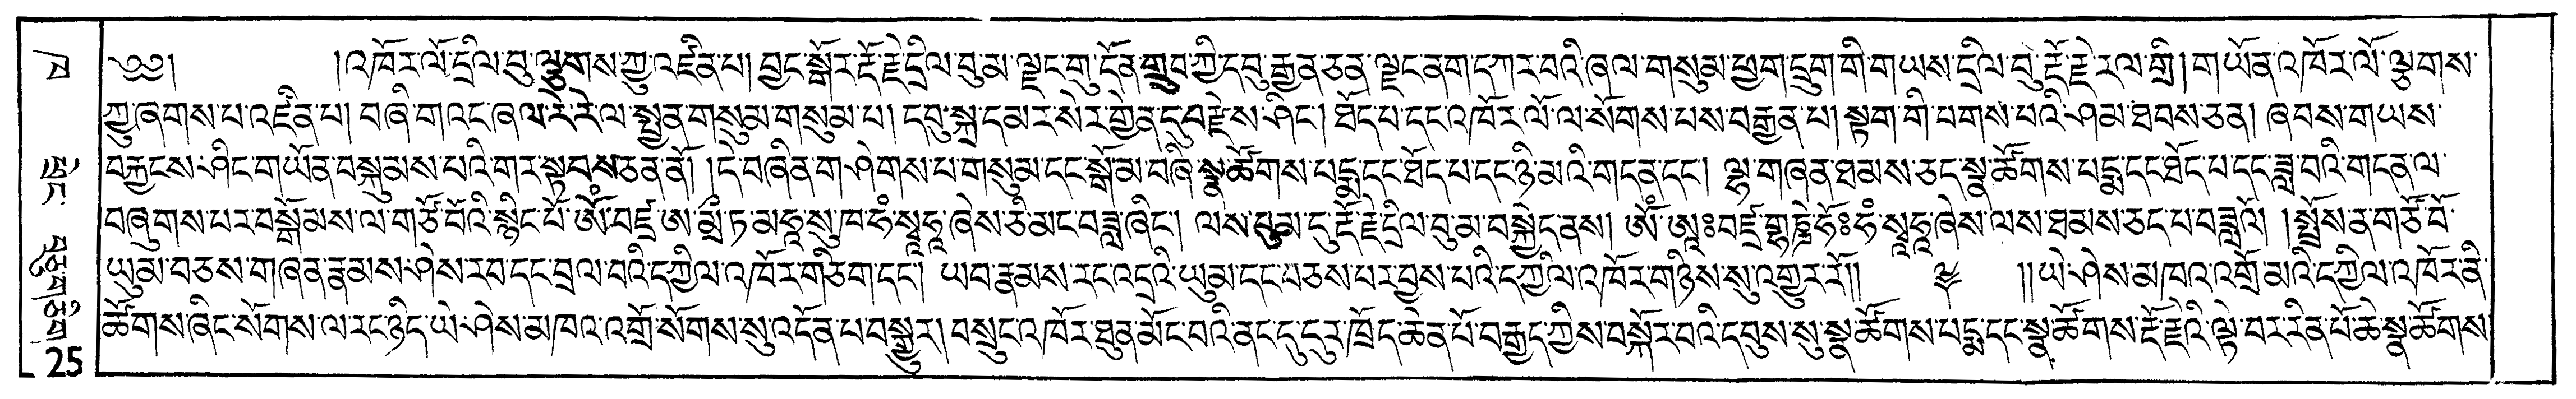༄༅། །འཁོར་ལོ་དྲིལ་བུ་ལྕགས་ཀྱུ་འཛིན་པ། བྱང་སྒོར་རྡོ་རྗེ་དྲིལ་བུ་མ་ལྗང་གུ་དོན་གྲུབ་ཀྱི་དབུ་རྒྱན་ཅན་ལྗང་ནག་དཀར་བའི་ཞལ་གསུམ་ཕྱག་དྲུག་གི་གཡས་དྲིལ་བུ་རྡོ་རྗེ་རལ་གྲི་།གཡོན་འཁོར་ལོ་ལྕགས་
ཀྱུ་ཞགས་པ་འཛིན་པ། བཞི་གའང་ཞལ་རེ་རེ་ལ་སྤྱན་གསུམ་གསུམ་པ། དབུ་སྐྲ་དམར་སེར་གྱེན་དུ་བརྫེས་ཤིང་། ཐོད་པ་དང་འཁོར་ལོ་ལ་སོགས་པས་བརྒྱན་པ། སྟག་གི་པགས་པའི་ཤམ་ཐབས་ཅན། ཞབས་གཡས་
བརྐྱངས་ཤིང་གཡོན་བསྐུམས་པའི་གར་སྟབས་ཅན་ནོ། །དེ་བཞིན་གཤེགས་པ་གསུམ་དང་སྒོ་མ་བཞི་སྣ་ཚོགས་པདམ་དང་ཐོད་པ་དང་ཉི་མའི་གདན་དང་། ལྷ་གཞན་ཐམས་ཅད་སྣ་ཚོགས་པདམ་དང་ཐོད་པ་དང་ཟླ་བའི་གདན་ལ་
བཞུགས་པར་བསྒོམས་ལ་གཙོ་བོའི་སྙིང་པོ་ཨོཾ་བཛྲ་ཨ་མྲྀ་ཏ་མཧཱ་སུ་ཁ་ཧཾ་སྭཱཧཱ་ཞེས་ཅི་མང་བཟླ་ཞིང་། ལས་བུམ་དུ་རྡོ་རྗེ་དྲིལ་བུ་མ་བསྐྱེད་ནས། ཨོཾ་ཨཱཿ བཛྲ་གྷཎྜེ་ཧོཿ ཧཾ་སྭཱཧཱ་ཞེས་ལས་ཐམས་ཅད་པ་བཟླའོ། །སྤྲོས་ན་གཙོ་བོ་
ཡུམ་བཅས་གཞན་རྣམས་ཤེས་རབ་དང་བྲལ་བའི་དཀྱིལ་འཁོར་གཅིག་དང་། ཡབ་རྣམས་རང་འདྲའི་ཡུམ་དང་བཅས་པར་བྱས་པའི་དཀྱིལ་འཁོར་གཉིས་སུ་འགྱུར་རོ།། ༈ །།ཡེ་ཤེས་མཁའ་འགྲོ་མའི་དཀྱིལ་འཁོར་ནི་
ཚོགས་ཞིང་སོགས་ལ་རང་ཉིད་ཡེ་ཤེས་མཁའ་འགྲོ་སོགས་སུ་འདོན་པ་བསྒྱུར། བསྲུང་འཁོར་ཐུན་མོང་བའི་ནང་དུ་དུར་ཁྲོད་ཆེན་པོ་བརྒྱད་ཀྱིས་བསྐོར་བའི་དབུས་སུ་སྣ་ཚོགས་པདམ་དང་སྣ་ཚོགས་རྡོ་རྗེའི་ལྟེ་བར་རིན་པོ་ཆེ་སྣ་ཚོགས་